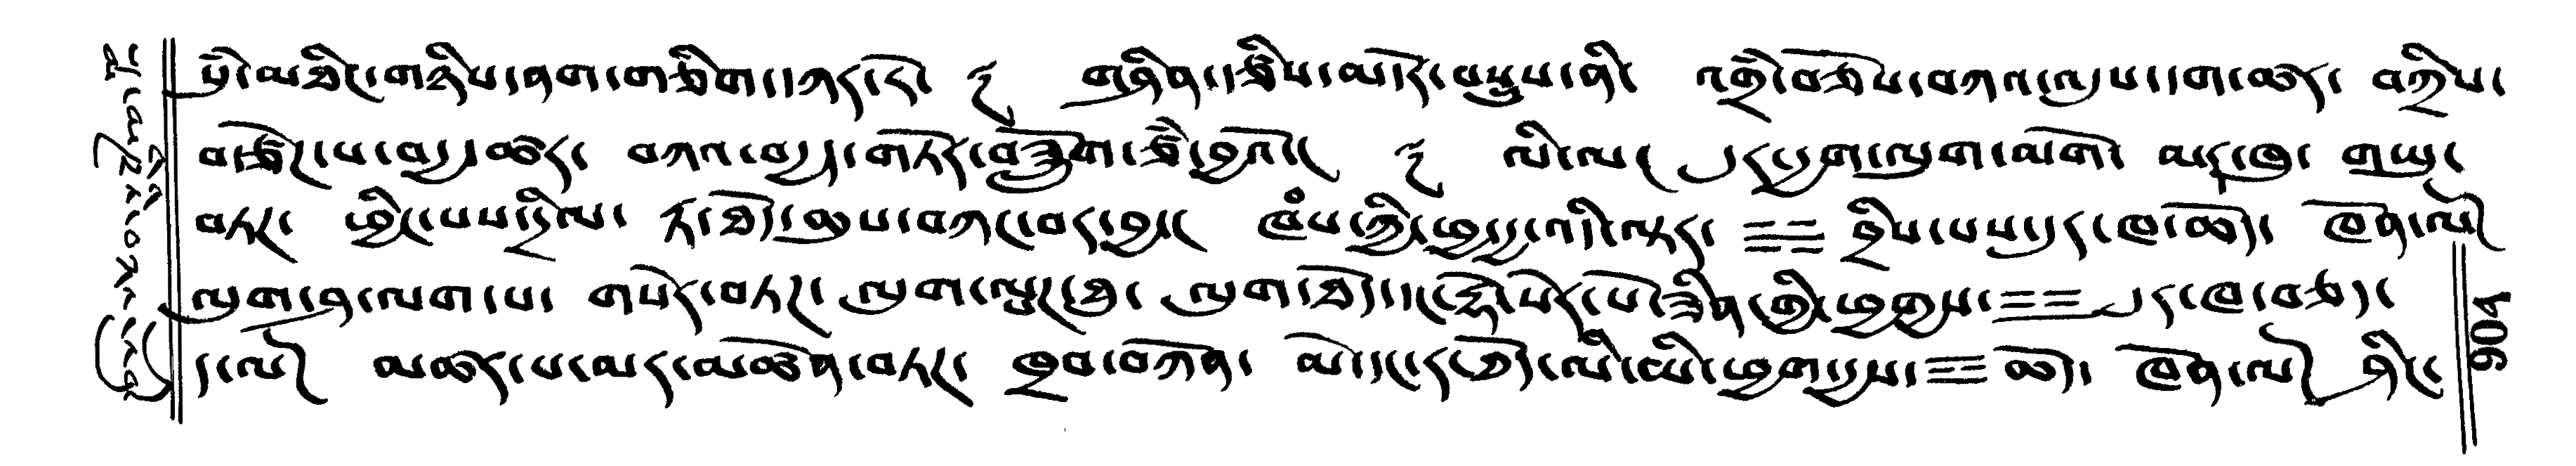སུམ་མཐིང་། གཉིས་ནག གཅིག་དཀར་རོ། ༈ གཤིན་རྩིས་མདོར་བསྡུས་ནི། འགྲམ་བཅོས་བཀའ་འདུས་དག་ཚར། བཀྲ་ཤིས་
བརྩེགས་པ་བརྒྱ་ཚར། བཀའ་བརྒྱད་གཏོར་བཟློག་ཙམ་བྱའོ། ༈ ལི་ལ། དུར་རྒྱག་ལུག་མགོ། མར་ཁུ། གཡུ་
བཏགས། ཕྱིང་པས་དྲིལ། རྟ་ཐོད་ཆུས་བཀང་བར་བྱ། ཁམས་ཀྱི་ཕྱག་རྒྱ་འདི་ལྟར། བྲིས་པས་དུར་ཁ་ཆོད། ཁོན་ལ། 
ལུག་ཤ་ལག་པ། གསེར་བཏགས། ལུགས་ལྤགས་ཐུ། ལུག་ཐོད་དང་རྡོ་སེར་པོ། ཟིན་གྱི་ཕྱག་རྒྱས། དུར་ཁ་བཅད། 
ད་ལ༽ མཚར་པ་མར་མཚོན་བཏགས། ཁྲབ་བཀོན། མེ་དང་ར་ཐོད། ལི་ཡི་ཕྱག་རྒྱས་ ཆོད། ཁོན་ལ། ཤིང་